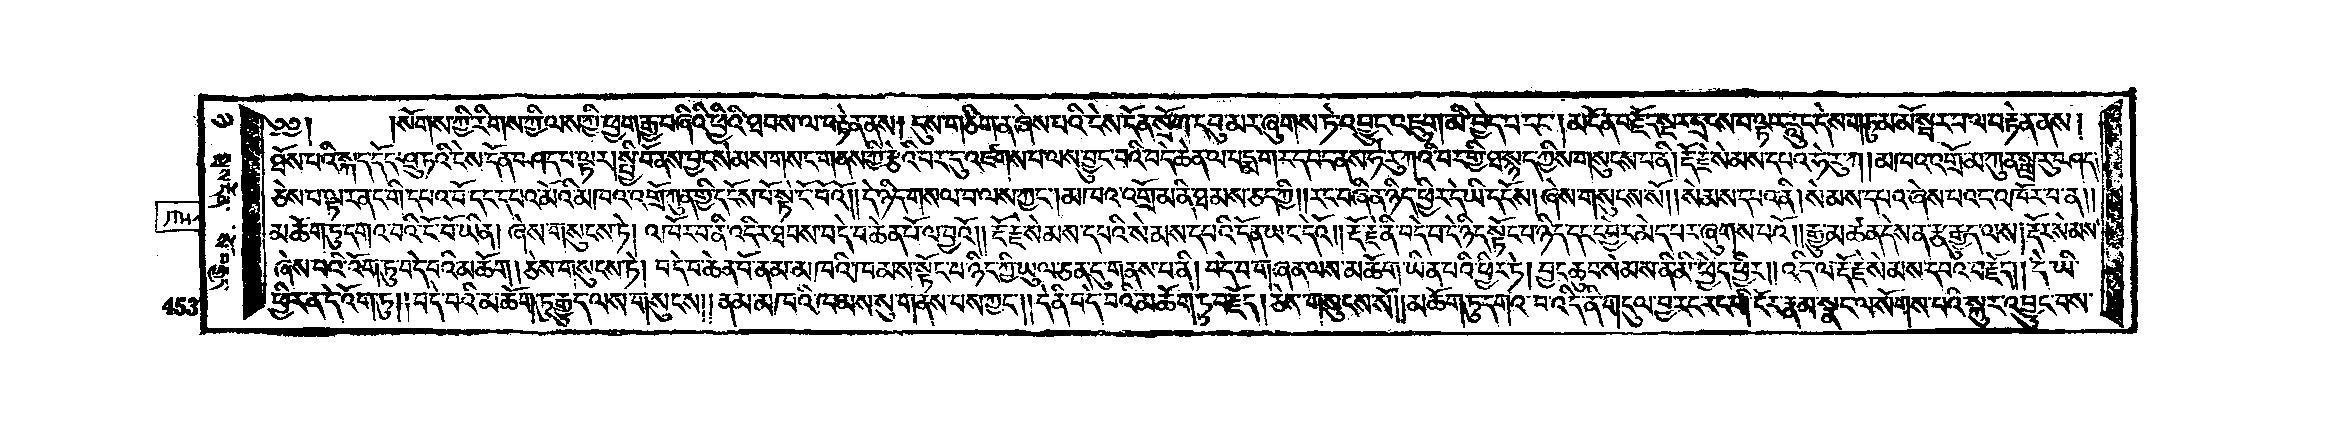༄༅། །སོགས་ཀྱི་རིགས་ཀྱི་ལས་ཀྱི་ཕྱག་རྒྱ་བཞིའི་ཕྱིའི་ཐབས་ལ་བརྟེན་ནས། དུས་གཅིག་ན་ཞེས་པའི་ངེས་དོན་སྲོག་དབུ་མར་ཞུགས་ཏེ་འབྱུང་འཇུག་མི་བྱེད་པ་དང་། མངོན་བརྗོད་སྔར་དྲངས་པ་ལྟར་རླུང་དེས་གཏུམ་མོ་སྦར་བ་ལ་བརྟེན་ནས།
ཐོས་པའི་སྐད་དོད་ཤྲུ་ཏའི་ངེས་དོན་བཤད་པ་ལྟར། སྤྱི་བོ་ནས་བྱང་སེམས་གསང་གནས་ཀྱི་རྩེའི་བར་དུ་འཛགས་པ་ལས་བྱུང་བའི་བདེ་ཆེན་ལ་པདམ་གར་དབང་ནས་ཧེ་རུ་ཀའི་བར་གྱི་ཐ་སྙད་ཀྱིས་གསུངས་པ་ནི། རྡོ་རྗེ་སེམས་དཔའ་ཧེ་རུ་ཀ། མཁའ་འགྲོ་མ་ཀུན་སྒྲ་རུ་བཤད།
ཅེས་པ་ལྟར་ནང་གི་དཔའ་བོ་དང་དཔའ་མོའི་མཁའ་འགྲོ་ཀུན་གྱི་དངོས་པོ་སྟེ་ངོ་བོའོ། །དེ་ཉིད་གསལ་བ་ལས་ཀྱང་། མཁའ་འགྲོ་མ་ནི་ཐམས་ཅད་ཀྱི། །རང་བཞིན་ཉིད་ཕྱིར་དེ་ཡི་དངོས། ཞེས་གསུངས་སོ། །སེམས་དཔའ་ནི། སེམས་དཔའ་ཞེས་པའང་འཁོར་བ་ན། །
མཆོག་ཏུ་དགའ་བའི་ངོ་བོ་ཡིན། ཞེས་གསུངས་ཏེ། འཁོར་བ་ནི་འདིར་ཐབས་བདེ་བ་ཆེན་པོ་ལ་བྱའོ། །རྡོ་རྗེ་སེམས་དཔའི་སེམས་དཔའི་དོན་ཡང་དེའོ། །རྡོ་རྗེ་ནི་བདེ་བ་དེ་ཉིད་སྟོང་པ་ཉིད་དང་དབྱེར་མེད་པར་ཞུགས་པའོ། །རྒྱུ་མཚན་དེས་ན་རྩ་རྒྱུད་ལས། རྡོར་སེམས་
ཞེས་པའི་འོག་ཏུ་བདེ་བའི་མཆོག །ཅེས་གསུངས་ཏེ། བདེ་བ་ཆེན་པོ་ནམ་མཁའི་ཁམས་སྟོང་པ་ཉིད་ཀྱི་ཡུལ་ཅན་དུ་གནས་པ་ནི། བདེ་བ་གཞན་ལས་མཆོག་ཡིན་པའི་ཕྱིར་ཏེ། བྱང་ཆུབ་སེམས་ནི་མི་ཕྱེད་ཕྱིར། །འདི་ལ་རྡོ་རྗེ་སེམས་དཔའ་བརྗོད། །དེ་ཡི་
ཕྱིར་ན་དེ་འོག་ཏུ། །བདེ་བའི་མཆོག་ཏུ་རྒྱུད་ལས་གསུངས། །ནམ་མཁའི་ཁམས་སུ་གནས་པས་ཀྱང་། །དེ་ནི་བདེ་བའི་མཆོག་ཏུ་བརྗོད་།ཅེས་གསུངས་སོ། །མཆོག་ཏུ་དགའ་བ་འདི་ནི་གདུལ་བྱ་རང་རང་གི་ངོར་རྣམ་སྣང་ལ་སོགས་པའི་སྐུར་འབྱུང་བས་